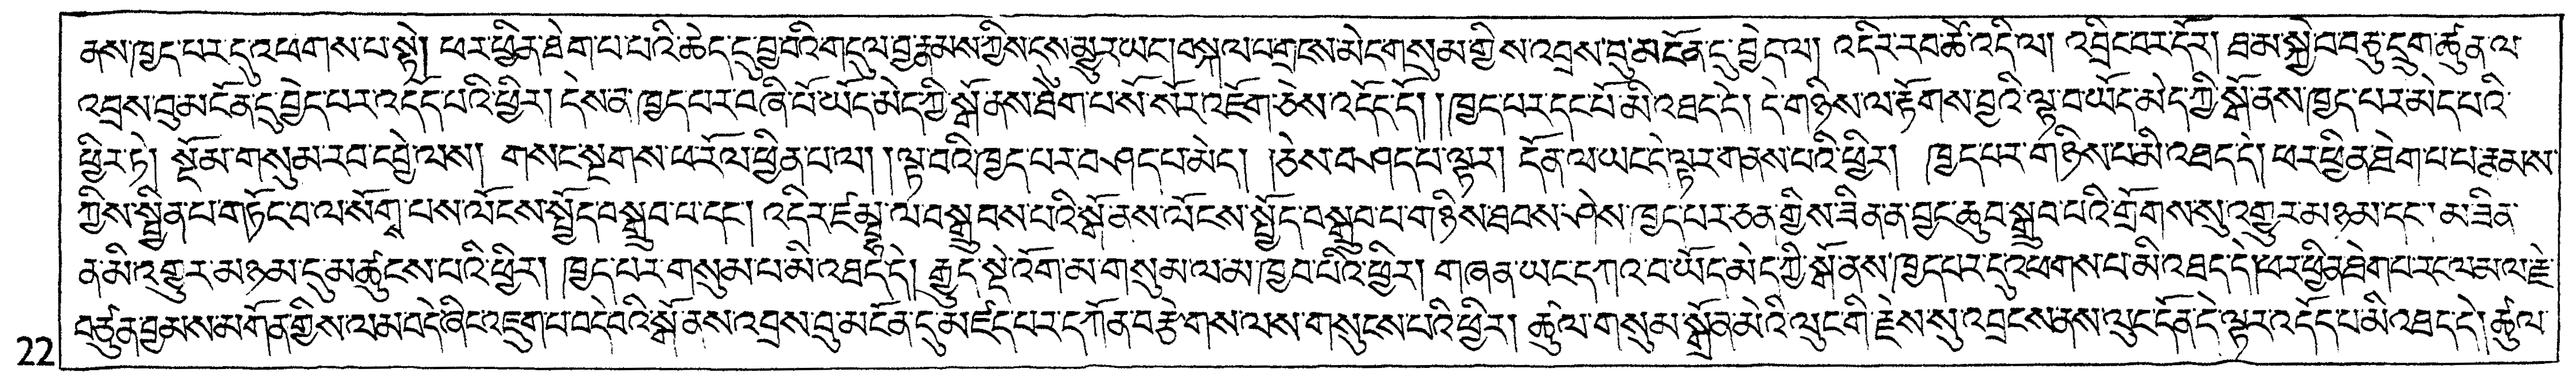ནས་ཁྱད་པར་དུ་འཕགས་པ་སྟེ། ཕར་ཕྱིན་ཐེག་པ་པའི་ཆེད་དུ་བྱ་བའི་གདུལ་བྱ་རྣམས་ཀྱིས་དུས་མྱུར་ཡང་། བསྐལ་པ་གྲངས་མེད་གསུམ་གྱིས་འབྲས་བུ་མངོན་དུ་བྱེད་ལ། འདིར་རབ་ཚེ་འདི་ལ། འབྲིང་བར་དོར། ཐ་མ་སྐྱེ་བ་བཅུ་དྲུག་ཚུན་ལ་
འབྲས་བུ་མངོན་དུ་བྱེད་པར་འདོད་པའི་ཕྱིར། དེས་ན་ཁྱད་པར་བཞི་པོ་ཡོད་མེད་ཀྱི་སྒོ་ནས་ཐེག་པ་སོ་སོར་འཇོག་ཅེས་འདོད་དོ། །ཁྱད་པར་དང་པོ་མི་འཐད་དེ། དེ་གཉིས་ལ་རྟོགས་བྱའི་ལྟ་བ་ཡོད་མེད་ཀྱི་སྒོ་ནས་ཁྱད་པར་མེད་པའི་
ཕྱིར་ཏེ། སྡོམ་གསུམ་རབ་དབྱེ་ལས། གསང་སྔགས་ཕ་རོལ་ཕྱིན་པ་ལ། །ལྟ་བའི་ཁྱད་པར་བཤད་པ་མེད། །ཅེས་བཤད་པ་ལྟར། དོན་ལ་ཡང་དེ་ལྟར་གནས་པའི་ཕྱིར། ཁྱད་པར་གཉིས་པ་མི་འཐད་དེ། ཕར་ཕྱིན་ཐེག་པ་པ་རྣམས་
ཀྱིས་སྦྱིན་པ་གཏོང་བ་ལ་སོགས་པས་ལོངས་སྤྱོད་བསྒྲུབ་པ་དང་། འདིར་ཛམྦྷ་ལ་བསྒྲུབས་པའི་སྒོ་ནས་ལོངས་སྤྱོད་བསྒྲུབ་པ་གཉིས་ཐབས་ཤེས་ཁྱད་པར་ཅན་གྱིས་ཟིན་ན་བྱང་ཆུབ་སྒྲུབ་པའི་གྲོགས་སུ་འགྱུར་མཉམ་དང་། མ་ཟིན་
ན་མི་འགྱུར་མཉམ་དུ་མཚུངས་པའི་ཕྱིར། ཁྱད་པར་གསུམ་པ་མི་འཐད་དེ། རྒྱུད་སྡེ་འོག་མ་གསུམ་ལ་མ་ཁྱབ་པའི་ཕྱིར། གཞན་ཡང་དཀའ་བ་ཡོད་མེད་ཀྱི་སྒོ་ནས་ཁྱད་པར་དུ་འཕགས་པ་མི་འཐད་དེ། ཕར་ཕྱིན་ཐེག་པ་རང་ལམ་ལ་རྗེ་
བཙུན་བྱམས་མགོན་གྱིས་ལམ་བདེ་ཞིང་འཇུག་པ་བདེ་བའི་སྒོ་ནས་འབྲས་བུ་མངོན་དུ་མཛད་པར་དཀོན་བརྩེགས་ལས་གསུངས་པའི་ཕྱིར། ཚུལ་གསུམ་སྒྲོན་མེའི་ལུང་གི་རྗེས་སུ་འབྲངས་ནས་ལུང་དོན་དེ་ལྟར་འདོད་པ་མི་འཐད་དེ། ཚུལ་